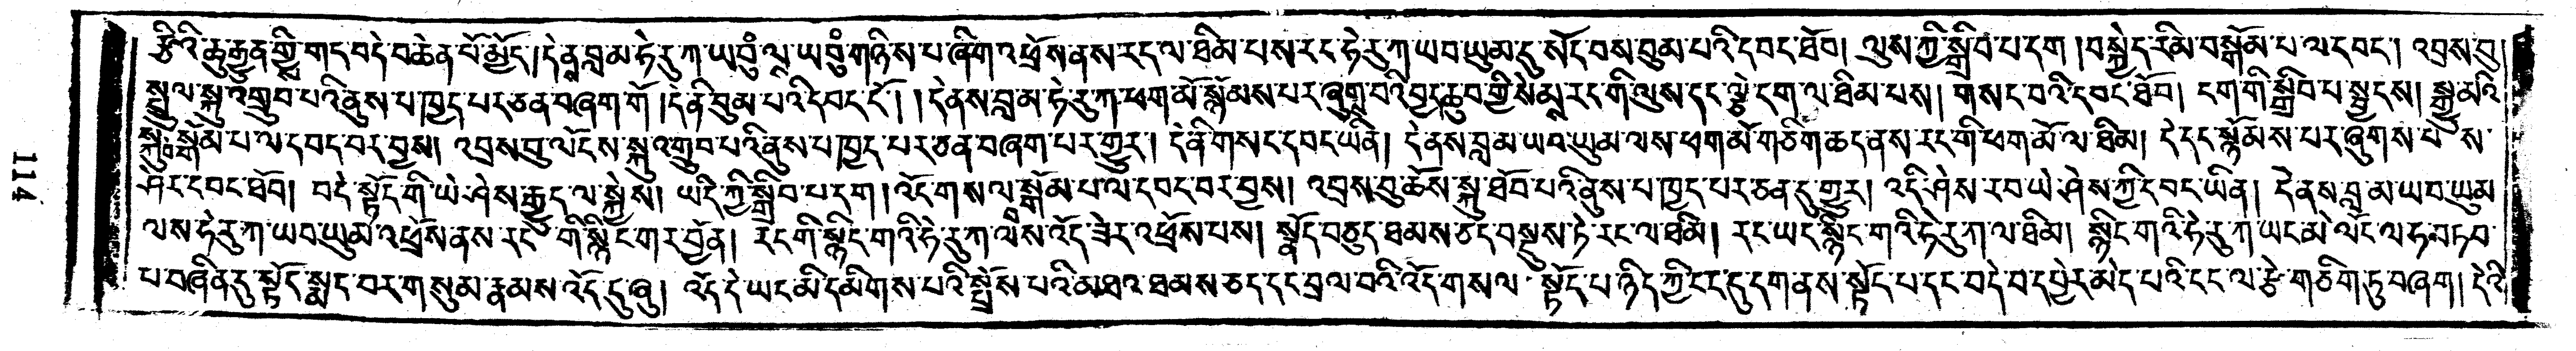རྩིའི་ཆུ་རྒྱུན་གྱིས་གད་བདེ་བ་ཆེན་པོ་མྱོད་།དེ་ནས་བླ་མ་ཧེ་རུ་ཀ་ཡ་བུཾ་ལ་ཡ་བུཾ་གཉིས་པ་ཞིག་འཕྲོས་ནས་རང་ལ་ཐིམ་པས་རང་ཧེ་རུ་ཀ་ཡབ་ཡུམ་དུ་སོང་བས་བུམ་པའི་དབང་ཐོབ། ལུས་ཀྱི་སྒྲིབ་པ་དག །བསྐྱེད་རིམ་བསྒོམ་པ་ལ་དབང་། འབྲས་བུ་
སྤྲུལ་སྐུ་འགྲུབ་པའི་ནུས་པ་ཁྱད་པར་ཅན་བཞག་གོ །དེ་ནི་བུམ་པའི་དབང་ངོ། །དེ་ནས་བླ་མ་ཧེ་རུ་ཀ་ཕག་མོ་སྙོམས་པར་ཞུགས་བའི་བྱང་ཆུབ་ཀྱི་སེམས་རང་གི་ལུས་དང་ལྕེ་དག་ལ་ཐིམ་པས། གསང་བའི་དབང་ཐོབ། ངག་གི་སྒྲིབ་པ་སྦྱངས། སྒྱུ་མའི་
སྐུ་བསྒོམ་པ་ལ་དབང་བར་བྱས། འབྲས་བུ་ལོངས་སྐུ་འགྲུབ་པའི་ནུས་པ་ཁྱད་པར་ཅན་བཞག་པར་གྱུར། དེ་ནི་གསང་དབང་ཡིན། དེ་ནས་བླ་མ་ཡབ་ཡུམ་ལས་ཕྱག་མོ་གཅིག་ཆད་ནས་རང་གི་ཕག་མོ་ལ་ཐིམ། དེ་དང་སྙོམས་པར་ཞུགས་པས་
ཤེར་དབང་ཐོབ། བདེ་སྟོད་གི་ཡེ་ཤེས་རྒྱུད་ལ་སྐྱེས། ཡིད་ཀྱི་སྒྲིབ་པ་དག །འོད་གསལ་སྒོམ་པ་ལ་དབང་བར་བྱས། འབྲས་བུ་ཆོས་སྐུ་ཐོབ་པའི་ནུས་པ་ཁྱད་པར་ཅན་དུ་གྱུར། འདི་ཤེས་རབ་ཡེ་ཤེས་ཀྱི་དབང་ཡིན། དེ་ནས་བླ་མ་ཡབ་ཡུམ་
ལས་ཧེ་རུ་ཀ་ཡབ་ཡུམ་འཕྲོས་ནས་རང་གི་སྙིང་གར་བྱོན། རང་གི་སྙིང་གའི་ཧེ་རུ་ཀ་ལས་འོད་ཟེར་འཕྲོས་པས། སྣོད་བཅུད་ཐམས་ཅད་བསྡུས་ཏེ་རང་ལ་ཐིམ། རང་ཡང་སྙིང་གའི་ཧེ་རུ་ཀ་ལ་ཐིམ། སྙིང་གའི་ཧེ་རུ་ཀ་ཡང་མེ་ལོང་ལ་ཧ་བཏབ་
པ་བཞིན་དུ་སྟོང་སྨད་བར་གསུམ་རྣམས་འོད་དུ་ཞུ། འོད་དེ་ཡང་མི་དམིགས་པའི་སྤྲོས་པའི་མཐའ་ཐམས་ཅད་དང་བྲལ་བའི་འོད་གསལ་སྟོད་པ་ཉིད་ཀྱི་ངང་དུ་དག་ནས་སྟོད་པ་དང་བདེ་བ་དབྱེར་མེད་པའི་དང་ལ་རྩེ་གཅིག་ཏུ་བཞག། དེའི་